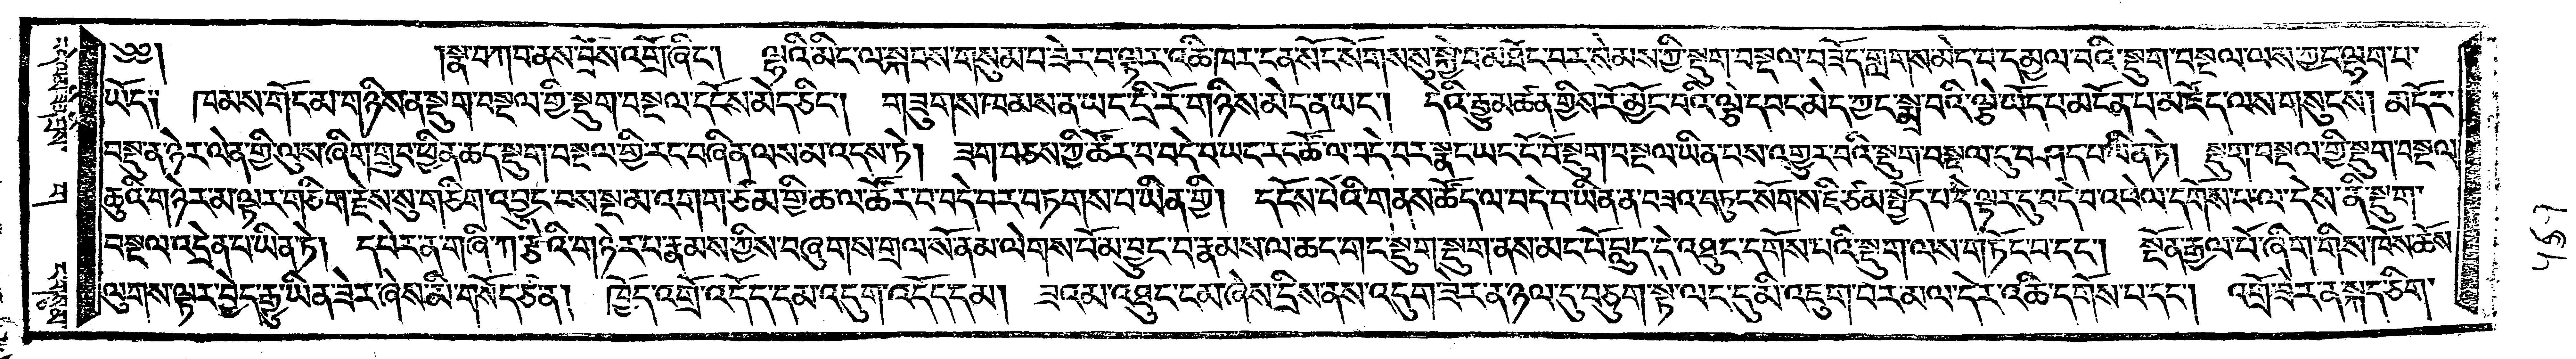༄༅། །སྣ་བཀབ་ནས་བྲོས་འགྲོ་ཞིང་། ལྷའི་མིང་ལ་སྐབས་གསུམ་པ་ཟེར་བ་ལྟར་འཆི་ཁར་ངན་སོར་སོགས་སུ་སྐྱེ་བ་མཐོང་བར་སེམས་ཀྱི་སྡུག་བསྔལ་བཟོད་གླགས་མེད་པ་དམྱལ་བའི་སྡུག་བསྔལ་ལས་ཀྱང་ལྷག་པ་
ཡོད༑ ཁམས་གོང་མ་གཉིས་ན་སྡུག་བསྔལ་གྱི་སྡུག་བསྔལ་དངོས་མེད་ཅིང་། གཟུགས་ཁམས་ན་ཡང་དྲྭི་རོ་གཉིས་མེད་ན་ཡང་། དེའི་རྒྱུ་མཚན་གྱིས་རོ་མྱོང་བའི་ལྕེ་དབང་མེད་ཀྱང་སྨྲ་བའི་ལྕེ་ཡོད་པ་མངོན་པ་མཛོད་ལས་གསུངས། མདོར་
བསྡུ་ན་ཉེར་ལེན་གྱི་ལུས་ཞིག་གྲུབ་ཕྱིན་ཆད་སྡུག་བསྔལ་གྱི་རང་བཞིན་ལས་མ་འདས་ཏེ། ཟག་བཅས་ཀྱི་ཚོར་བ་བདེ་བ་ཡང་རང་ཚོ་ལ་བདེ་བར་སྣང་ཡང་ངོ་བོ་སྡུག་བསྔལ་ཡིན་པས་འགྱུར་བའི་སྡུག་བསྔལ་དུ་བཤད་པ་ཡིན་ཏེ། སྡུག་བསྔལ་གྱི་སྡུག་བསྔལ་
ཆུའི་གཉེར་མ་ལྟར་གཅིག་རྗེས་སུ་གཅིག་འབྱུང་བས་སྔ་མ་འགག་ཙམ་གྱི་ཆ་ལ་ཚོར་བ་བདེ་བར་བཏགས་པ་ཡིན་གྱི། དངོས་པོའི་གནས་ཚོད་ལ་བདེ་བ་ཡིན་ན་བཟའ་བཏུང་སོགས་ཇི་ཙམ་སྤྱོད་པ་དེ་ལྟར་དུ་བདེ་བ་འཕེལ་དགོས་པ་ལ་དེས་ནི་སྡུག་
བསྔལ་འདྲེན་པ་ཡིན་ཏེ། དཔེར་ན་གཞི་ཀ་རྩའི་གཉེར་པ་རྣམས་ཀྱིས་བཞུགས་གྲལ་སོ་ནམ་ལེགས་པོ་མ་བྱུང་བ་རྣམས་ལ་ཆང་གང་སྡུག་བསྔལ་ནས་མང་པོ་བླུད་དེ་འཐུང་དགོས་པའི་སྡུགས་ལས་གཏོང་བ་དང་། སྔོན་རྒྱལ་པོ་ཞིག་གིས་ཁོས་ཆོས་
ལུགས་ལྟར་བྱེད་རྒྱུ་ཡིན་ཟེར་ཞེས་མི་གསོད་ཙ་ན། ཁྱོད་འགྲོ་འདོད་དམ་འདུག་འདོད་དམ། ཟའམ་འཐུང་ངམ་ཞེས་དྲིས་ནས་འདུག་ཟེར་ན་ཉལ་དུ་བཅུག་སྟེ་ལང་དུ་མི་འཇུག་པར་མལ་དེར་འཆི་དགོས་པ་དང་། འགྲོ་ཟེར་ན་སྐད་ཅིག་